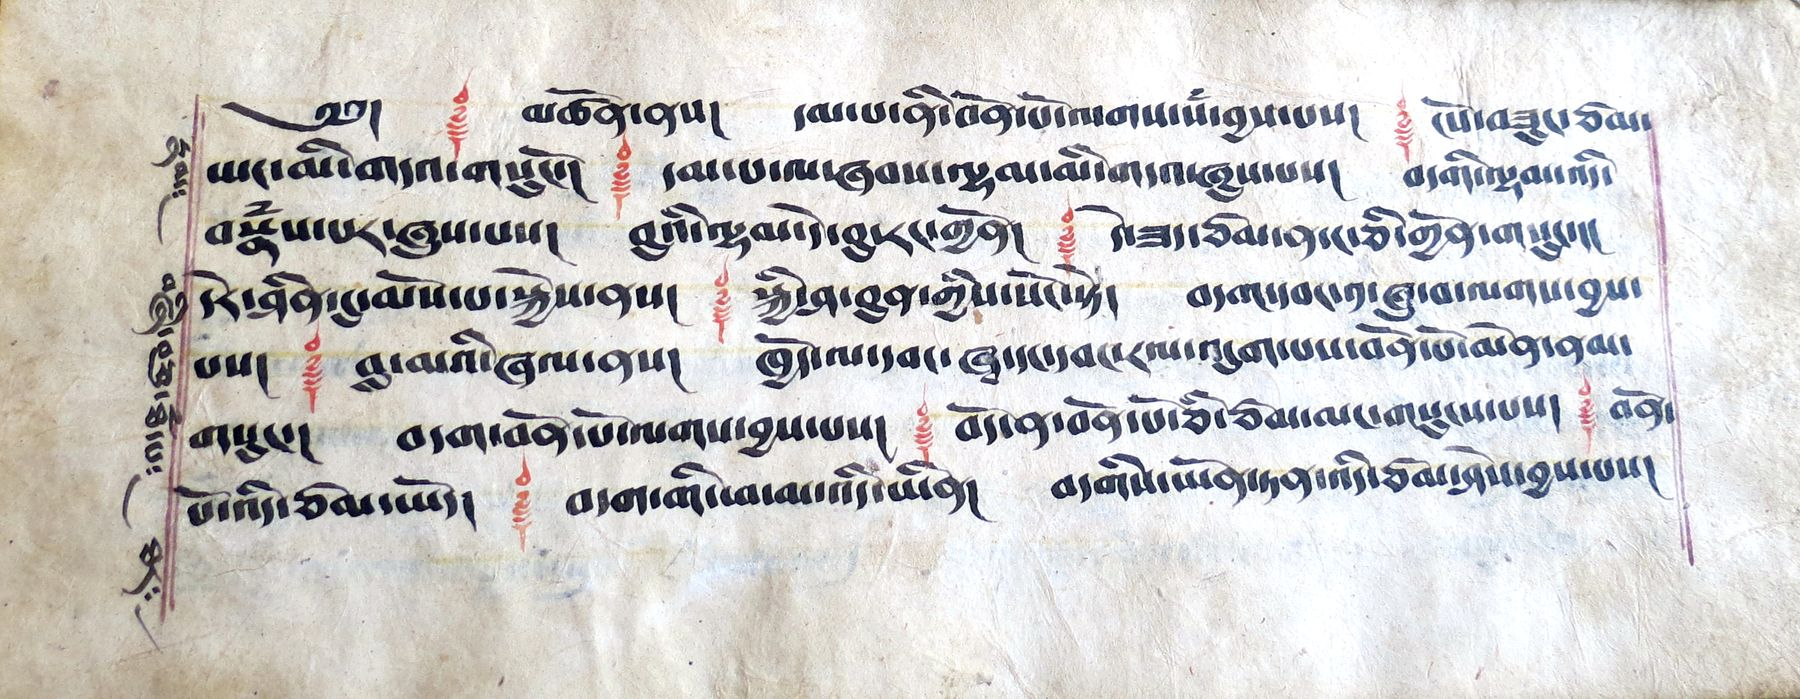མཚོན་ནས། དམ་པ་ནི་བོན་པོ་ལགས་སམ་བྱས་པས། ངོས་བཟུང་ཙམ་
ཡང་མི་གདའ་གསུངས་སོ། ། དམ་པ་ལ་ཞབས་ལྷམ་མི་གདའ་བས། བདག་གི་ལྷམ་འདི་
མནབས་པར་ཞུ་བྱས་པས། བུའི་ལྷམ་དེ་བུ་རང་གྱོན། དེ་ཟད་ཙམ་ན་ཅི་གྱོན་གསུངས། 
དེར་ཤིན་ཏུ་མོས་པ་སྐྱེས་ནས། སྐྱི་ཤ་བུན་གྱིས་སོང་སྟེ། བདག་དབང་ཞིག་ཞུ་བ་ལགས་བྱས་
པས། བླ་མའི་ཞལ་ནས། ཁྱོད་ལ་དབང་ཞྭ་དང་དབང་རལ་འདུག་པས་བོན་པོ་མིན་ནམ་
གསུངས། བདག་བོན་པོ་ལགས་བྱས་པས། བོད་ན་བོན་པོ་ཅི་ཙམ་མང་གསུངས་པས། བོན་
པོ་འདི་ཙམ་ཡོད། བདག་གི་ཕ་མ་འདི་འདྲ་ཡིན། བདག་གིས་ཡོན་ཏན་འདི་ཙམ་ཤེས་བྱས་པས།